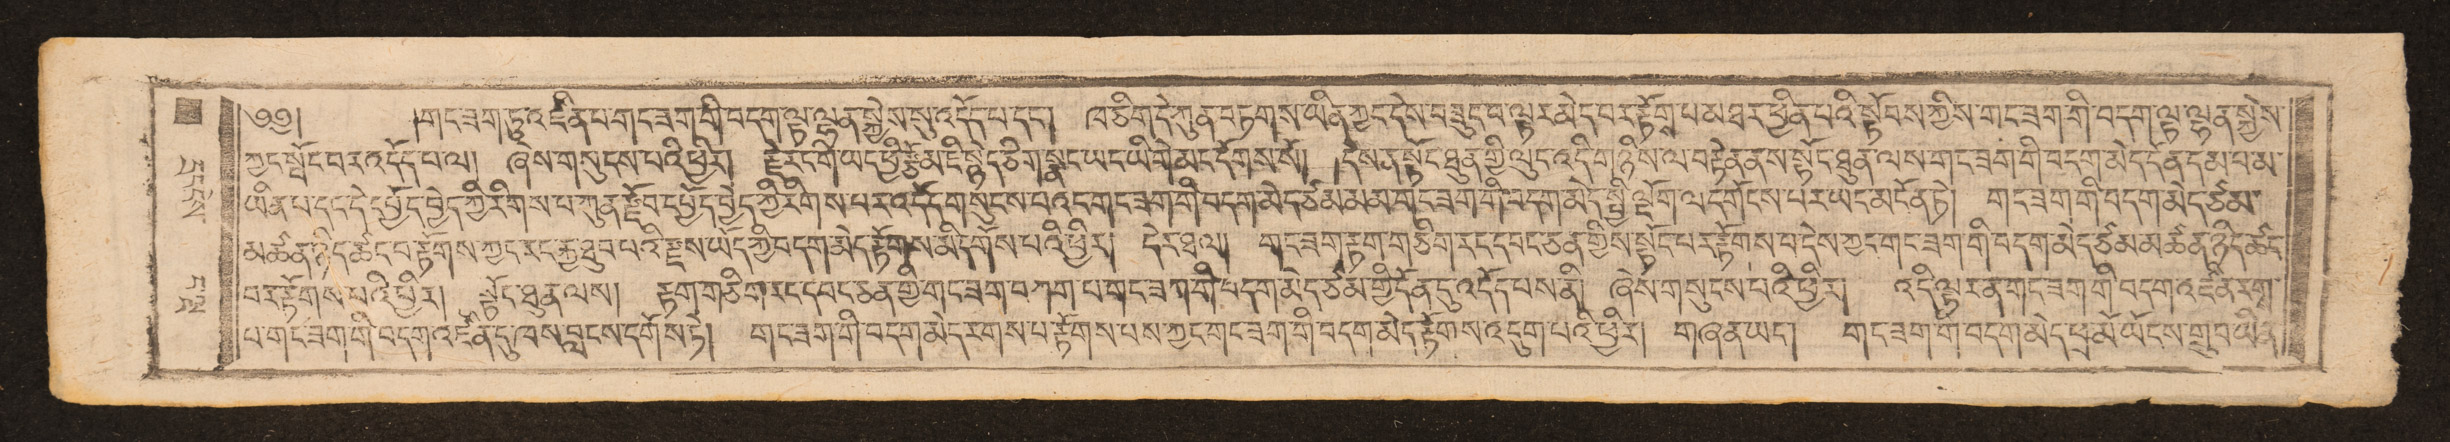༄༅། །གང་ཟག་ཏུ་འཛིན་པ་གང་ཟག་གི་བདག་ལྟ་ལྷན་སྐྱེས་སུ་འདོད་པ་དང་། ཁ་ཅིག་དེ་ཀུན་བཏགས་ཡིན་ཀྱང་དེས་བཟུང་བ་ལྟར་མེད་པར་རྟོགས་པ་མཐར་ཕྱིན་པའི་སྟོབས་ཀྱིས་གང་ཟག་གི་བདག་ལྟ་ལྷན་སྐྱེས་
ཀྱང་སྤོང་བར་འདོད་པ་ལ། ཞེས་གསུངས་པའི་ཕྱིར། རྗེ་རང་གི་ཡང་ཕྱི་རྩོམ་ཇི་སྙེད་ཅིག་སྣང་ཡང་ཡི་གེ་མང་དོགས་སོ། །དེས་ན་སྟོང་ཐུན་གྱི་ལུང་འདི་གཉིས་ལ་བརྟེན་ནས་སྟོང་ཐུན་ལས་གང་ཟག་གི་བདག་མེད་དོན་དམ་པ་མ་
ཡིན་པ་དང་དེ་དཔྱོད་བྱེད་ཀྱི་རིགས་པ་ཀུན་རྫོབ་དཔྱོད་བྱེད་ཀྱི་རིགས་པར་འདོད་གསུངས་པའང་གང་ཟག་གི་བདག་མེད་ཙམ་མམ་གང་ཟག་གི་བདག་མེད་སྤྱི་ལྡོག་ལ་དགོངས་པར་ཡང་མངོན་ཏེ། གང་ཟག་གི་བདག་མེད་ཙམ་
མཚན་ཉིད་ཚང་བ་རྟོགས་ཀྱང་རང་རྐྱ་ཐུབ་པའི་རྫས་ཡོད་ཀྱི་བདག་མེད་རྟོགས་མི་དགོས་པའི་ཕྱིར། དེར་ཐལ། གང་ཟག་རྟག་གཅིག་རང་དབང་ཅན་གྱིས་སྟོང་པར་རྟོགས་པ་དེས་ཀྱང་གང་ཟག་གི་བདག་མེད་ཙམ་མཚན་ཉིད་ཚང་
པར་རྟོགས་པའི་ཕྱིར། སྟོང་ཐུན་ལས། རྟག་གཅིག་རང་དབང་ཅན་གྱི་གང་ཟག་བཀག་པ་གང་ཟག་གི་བདག་མེད་ཙམ་གྱི་དོན་དུ་འདོད་པས་ནི། ཞེས་གསུངས་པའི་ཕྱིར། འདི་ལྟར་ན་གང་ཟག་གི་བདག་འཛིན་རགས་
པ་གང་ཟག་གི་བདག་འཛིན་དུ་ཁས་བླངས་དགོས་ཏེ། གང་ཟག་གི་བདག་མེད་རགས་པ་རྟོགས་པས་ཀྱང་གང་ཟག་གི་བདག་མེད་རྟོགས་འདུག་པའི་ཕྱིར། གཞན་ཡང་། གང་ཟག་གི་བདག་མེད་ཕྲ་མོ་ཡོངས་གྲུབ་ཡིན་